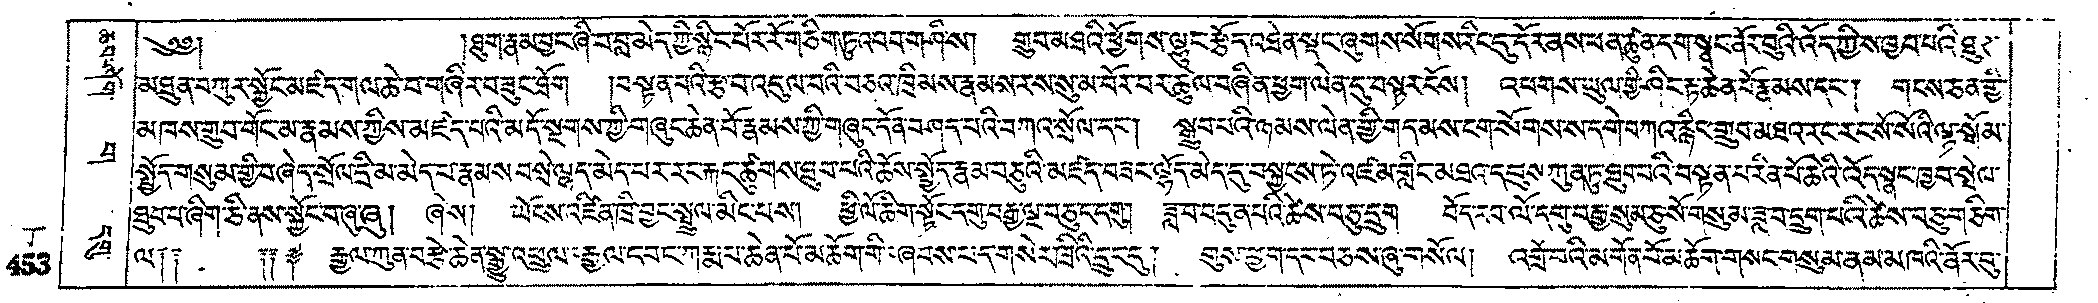༄༅། །ཐུག་རྣམ་བྱང་ཞི་བ་བླ་མེད་ཀྱི་སྙིང་པོར་རོ་གཅིག་ཏུ་འབབ་གཤིས། གྲུབ་མཐའི་ཕྱོགས་ལྷུང་རྩོད་འཐེན་སྡང་ཞུགས་སོགས་རིང་དུ་དོར་ནས་ཕན་ཚུན་དག་སྣང་ནོར་བུའི་འོད་ཀྱིས་ཁྱབ་པའི་ཐུཌ་
མཐུན་བཀུར་སྐྱོང་མཛད་གལ་ཆེ་བ་གཞིར་བཟུང་ཐོག །བསྟན་པའི་རྩ་བ་འདུལ་བའི་བཅའ་ཁྲིམས་རྣམས་རས་སུ་མ་བོར་བར་ཚུལ་བཞིན་ཕྱག་ལེན་དུ་བསྟར་ངོས། འཕགས་ཡུལ་གྱི་ཤིང་རྟ་ཆེན་པོ་རྣམས་དང་། གངས་ཅན་གྱི་
མཁས་གྲུབ་གོང་མ་རྣམས་ཀྱིས་མཛད་པའི་མདོ་སྔགས་ཀྱི་གཞུང་ཆེན་པོ་རྣམས་ཀྱི་གཞུང་དོན་བཤད་པའི་བཀའ་སྲོལ་དང་། སྒྲུབ་པའི་ཉམས་ལེན་གྱི་གདམས་ངག་སོགས་ས་དགེ་བཀའ་རྙིང་གྲུབ་མཐའ་རང་རང་སོ་སོའི་ལྟ་སྒོམ་
སྤྱོད་གསུམ་གྱི་བཞེད་སྲོལ་དྲི་མ་མེད་པ་རྣམས་བསྲེ་ལྷད་མེད་པར་རང་རྐང་ཚུགས་ཐུབ་པའི་ཆོས་སྤྱོད་རྣམ་བཅུའི་མཛད་བཟང་ལྷོད་མེད་དུ་བསྐྱངས་ཏེ་འཛམ་གླིང་མཐའ་དབུས་ཀུན་ཏུ་ཐུབ་པའི་བསྟན་པ་རིན་པོ་ཆེའི་འོད་སྣང་ཁྱབ་སྤེལ་
ཐུབ་པ་ཞིག་ཅི་ནས་སྐྱོང་བ་ཞུ་ཞུ། ཞེས། ཡོངས་འཛིན་ཁྲི་བྱང་སྤྲུལ་མིང་པས། ཕྱི་ལོ་ཆོས་སྟོང་དགུ་བརྒྱ་ལྔ་བཅུ་ང་དགུ། ཟླ་བ་བདུན་པའི་ཚེས་བཅུ་དྲུག་བོད་རབ་ལོ་དགུ་བརྒྱ་སུམ་ཅུ་སོ་གསུམ་ཟླ་བ་དྲུག་པའི་ཚེས་བཅུ་གཅིག་
ལ༑༑ ༑༑ འ་རྒྱལ་ཀུན་བརྩེ་ཆེན་སྒྱུ་འཕྲུལ ༧རྒྱལ་དབང་ཀརྨ་པ་ཆེན་པོ་མཆོག་གི ༧ཞབས་པད་གསེར་ཁྲིའི་དྲུང་དུ། གུས་ཕྱག་དང་བཅས་ཞུ་གསོལ། འགྲོ་བའི་མགོན་པོ་མཆོག་གསང་གསུམ་ནམ་མཁའི་ནོར་བུ་